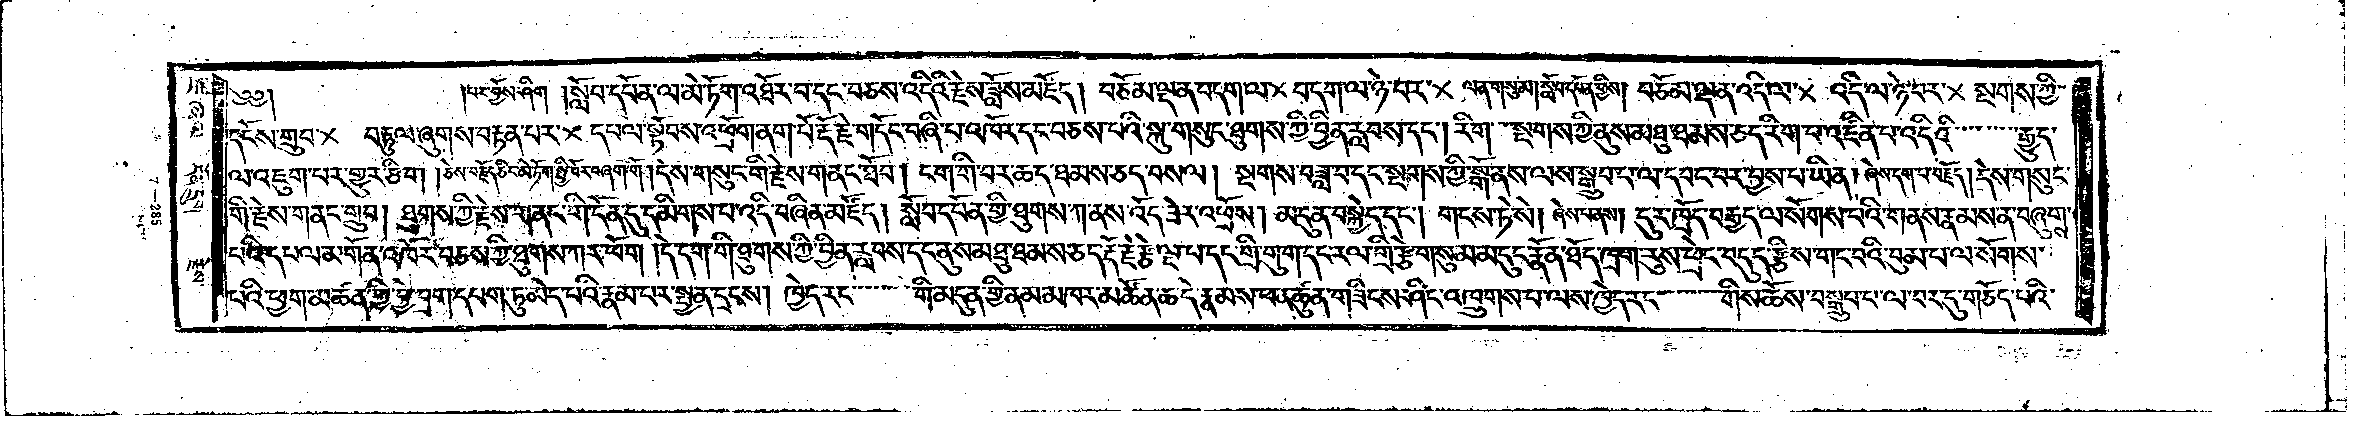༄༅། །པར་བྱོས་ཤིག །སློབ་དཔོན་ལ་མེ་ཏོག་འཐོར་བ་དང་བཅས་འདིའི་རྗེས་ཟློས་མཛོད། བཅོམ་ལྡན་བདག་ལ་྾་བདག་ལ་ཉེ་བར་྾་ལན་གསུམ། སློབ་དཔོན་གྱིས།  བཅོམ་ལྡན་འདི་ལ་྾་འདི་ལ་ཉེ་བར་྾་སྔགས་ཀྱི་
དངོས་གྲུབ་྾་བརྟུལ་ཞུགས་བརྟན་པར་྾་དཔལ་སྟོབས་འཕྲོག་ནག་པོ་རྡོ་རྗེ་གདོང་བཞི་པ་འཁོར་དང་བཅས་པའི་སྐུ་གསུང་ཐུགས་ཀྱི་བྱིན་རླབས་དང་། རིག་སྔགས་ཀྱི་ནུས་མཐུན་ཐམས་ཅད་རིག་པ་འཛིན་པ་འདིའི་རྒྱུད་
ལ་འཇུག་པར་གྱུར་ཅིག་།ཅེས་བརྗོད་ཅིང་མེ་ཏོག་སྤྱི་བོར་བཞག་གོ་།དེས་གསུང་གི་རྗེས་གནང་ཐོབ། ངག་གི་བར་ཆད་ཐམས་ཅད་བསལ། སྔགས་བཟླ་བ་དང་སྔགས་ཀྱི་སྒོ་ནས་ལས་སྒྲུབ་པ་ལ་དབང་བར་བྱས་པ་ཡིན། ཞེས་དག་པ་བརྗོད།  དེས་གསུང་
གི་རྗེས་གནང་གྲུབ། ཐུགས་ཀྱི་རྗེས་གནང་གི་དོན་དུ་དམིགས་པ་འདི་བཞིན་མཛོད། སློབ་དཔོན་གྱི་ཐུགས་ཀ་ནས་འོད་ཟེར་འཕྲོས། མདུན་བསྐྱེད་དང་། གངས་ཏེ་སེ། ཞེས་པ་ནས།  དུར་ཁྲོད་བརྒྱད་ལ་སོགས་པའི་གནས་རྣམས་ན་བཞུགས་
པའི་དཔལ་མགོན་འཁོར་བཅས་ཀྱི་ཐུགས་ཀར་ཕོག །དེ་དག་གི་ཐུགས་ཀྱི་བྱིན་རླབས་དང་ནུས་མཐུ་ཐམས་ཅད་རྡོ་རྗེ་རྩེ་ལྔ་པ་དང་གྲི་གུག་དང་རལ་གྲི་རྩེ་གསུམ་མདུང་རྣོན་ཐོད་ཁྲག་རུས་ཕྲེང་བདུད་རྩིས་གང་བཱ་བུམ་པ་ལ་སོགས་
པའི་ཕྱག་མཚན་གྱི་བྱེ་བྲག་དཔག་ཏུ་མེད་པའི་རྣམ་པར་སྤྱན་དྲངས། ཁྱེད་རང་གི་མདུན་གྱི་ནམ་མཁའ་མཚོན་ཆ་དེ་རྣམས་ཕན་ཚུན་གཟིངས་ཤིང་འཁྲུགས་པ་ལས་ཁྱེད་རང་གིས་ཆོས་བསྒྲུབ་པ་ལ་བར་དུ་གཅོད་པའི་